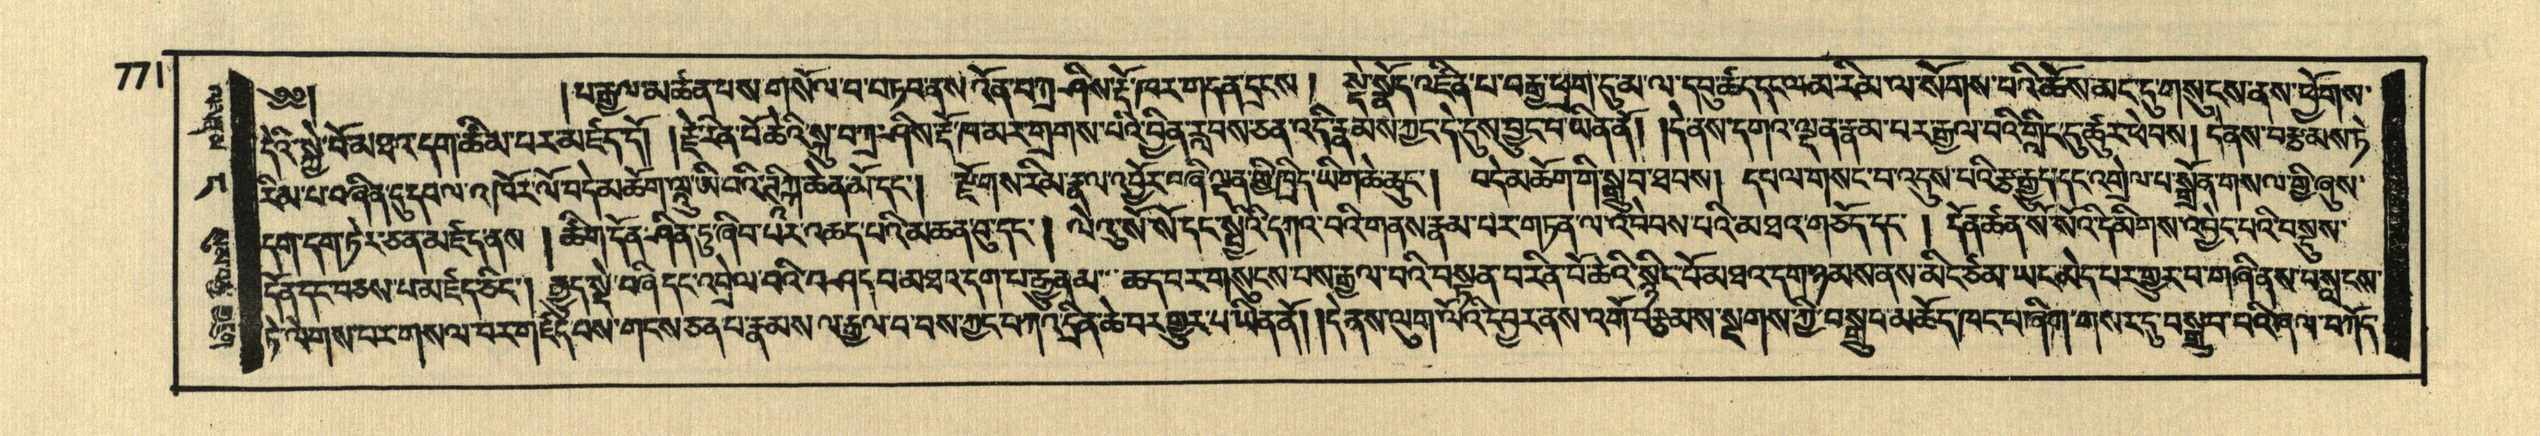༄༅། །པ་རྒྱལ་མཚན་པས་གསོལ་བ་བཏབ་ནས་འོན་བཀྲ་ཤིས་རྡོ་ཁར་གདན་དྲངས། སྡེ་སྣོད་འཛིན་པ་བརྒྱ་ཕྲག་དུ་མ་ལ་དབུ་ཚད་དང་ལམ་རིམ་ལ་སོགས་པའི་ཆོས་མང་དུ་གསུངས་ནས་ཕྱོགས་
དེའི་སྐྱེ་བོ་མཐའ་དག་ཚིམ་པར་མཛད་དོ། །རྗེ་རིན་པོ་ཆེའི་སྐུ་བཀྲ་ཤིས་རྡོ་ཁ་མར་གྲགས་པའི་བྱིན་རླབས་ཅན་འདི་རྣམས་ཀྱང་དེ་དུས་བྱུང་བ་ཡིན་ནོ། །དེ་ནས་དགའ་ལྡན་རྣམ་པར་རྒྱལ་བའི་གླིང་དུ་ཚུར་ཕེབས། དེ་ནས་བརྩམས་ཏེ་
རིམ་པ་བཞིན་དུ་དབལ་འཁོར་ལོ་བདེ་མཆོག་ལཱུ་ཨི་བའི་ཊཱིཀྐ་ཆེན་མོ་དང་། རྫོགས་རིམ་རྣལ་འབྱོར་བཞི་ལྡན་གྱི་ཁྲིད་ཡིག་ཆེ་ཆུང་། བདེ་མཆོག་གི་སྒྲུབ་ཐབས། དཔལ་གསང་བ་འདུས་པའི་རྩ་རྒྱུད་དང་འགྲེལ་པ་སྒྲོན་གསལ་གྱི་ཞུས་
དག་དག་ཏེར་ཅན་མཛད་ནས་།ཚིག་དོན་ཤིན་ཏུ་ཞིབ་པར་འཆད་པའི་མཆན་བུ་དང་། ལེའུ་སོ་སོ་དང་སྤྱིའི་དཀའ་བའི་གནས་རྣམ་པར་གཏན་ལ་འབེབས་པའི་མཐའ་གཅོད་དང་། དོན་ཚན་སོ་སོའི་དམིགས་འབྱེད་པའི་བསྡུས་
དོན་དང་བཅས་པ་མཛད་ཅིང་། རྒྱུད་སྡེ་བཞི་དང་འབྲེལ་བའི་བཤད་བ་མཐའ་དག་པ་རྒྱུན་མ་ཆད་པར་གསུངས་པས་རྒྱལ་བའི་བསྟན་བ་རིན་པོ་ཆེའི་སྙིང་པོ་མཐའ་དག་ཉམས་ནས་མིང་ཙམ་ཡང་མེད་པར་གྱུར་པ་གཞི་ནས་བསླངས་
ཏེ་ལེགས་པར་གསལ་བར་གྫད་པས་གངས་ཅན་པ་རྣམས་ལ་རྒྱལ་བ་བས་ཀྱང་བཀའ་དྲིན་ཆེ་བར་གྱུར་པ་ཡིན་ནོ། །དེ་ནས་ལུག་ལོའི་དབྱར་ནས་འགོ་བརྩམས་སྔགས་ཀྱི་བསྒྲུབ་མཆོད་ཁང་པ་ཞིག་གསར་དུ་བསྒྲུབ་པའི་ཞལ་བཀོད་